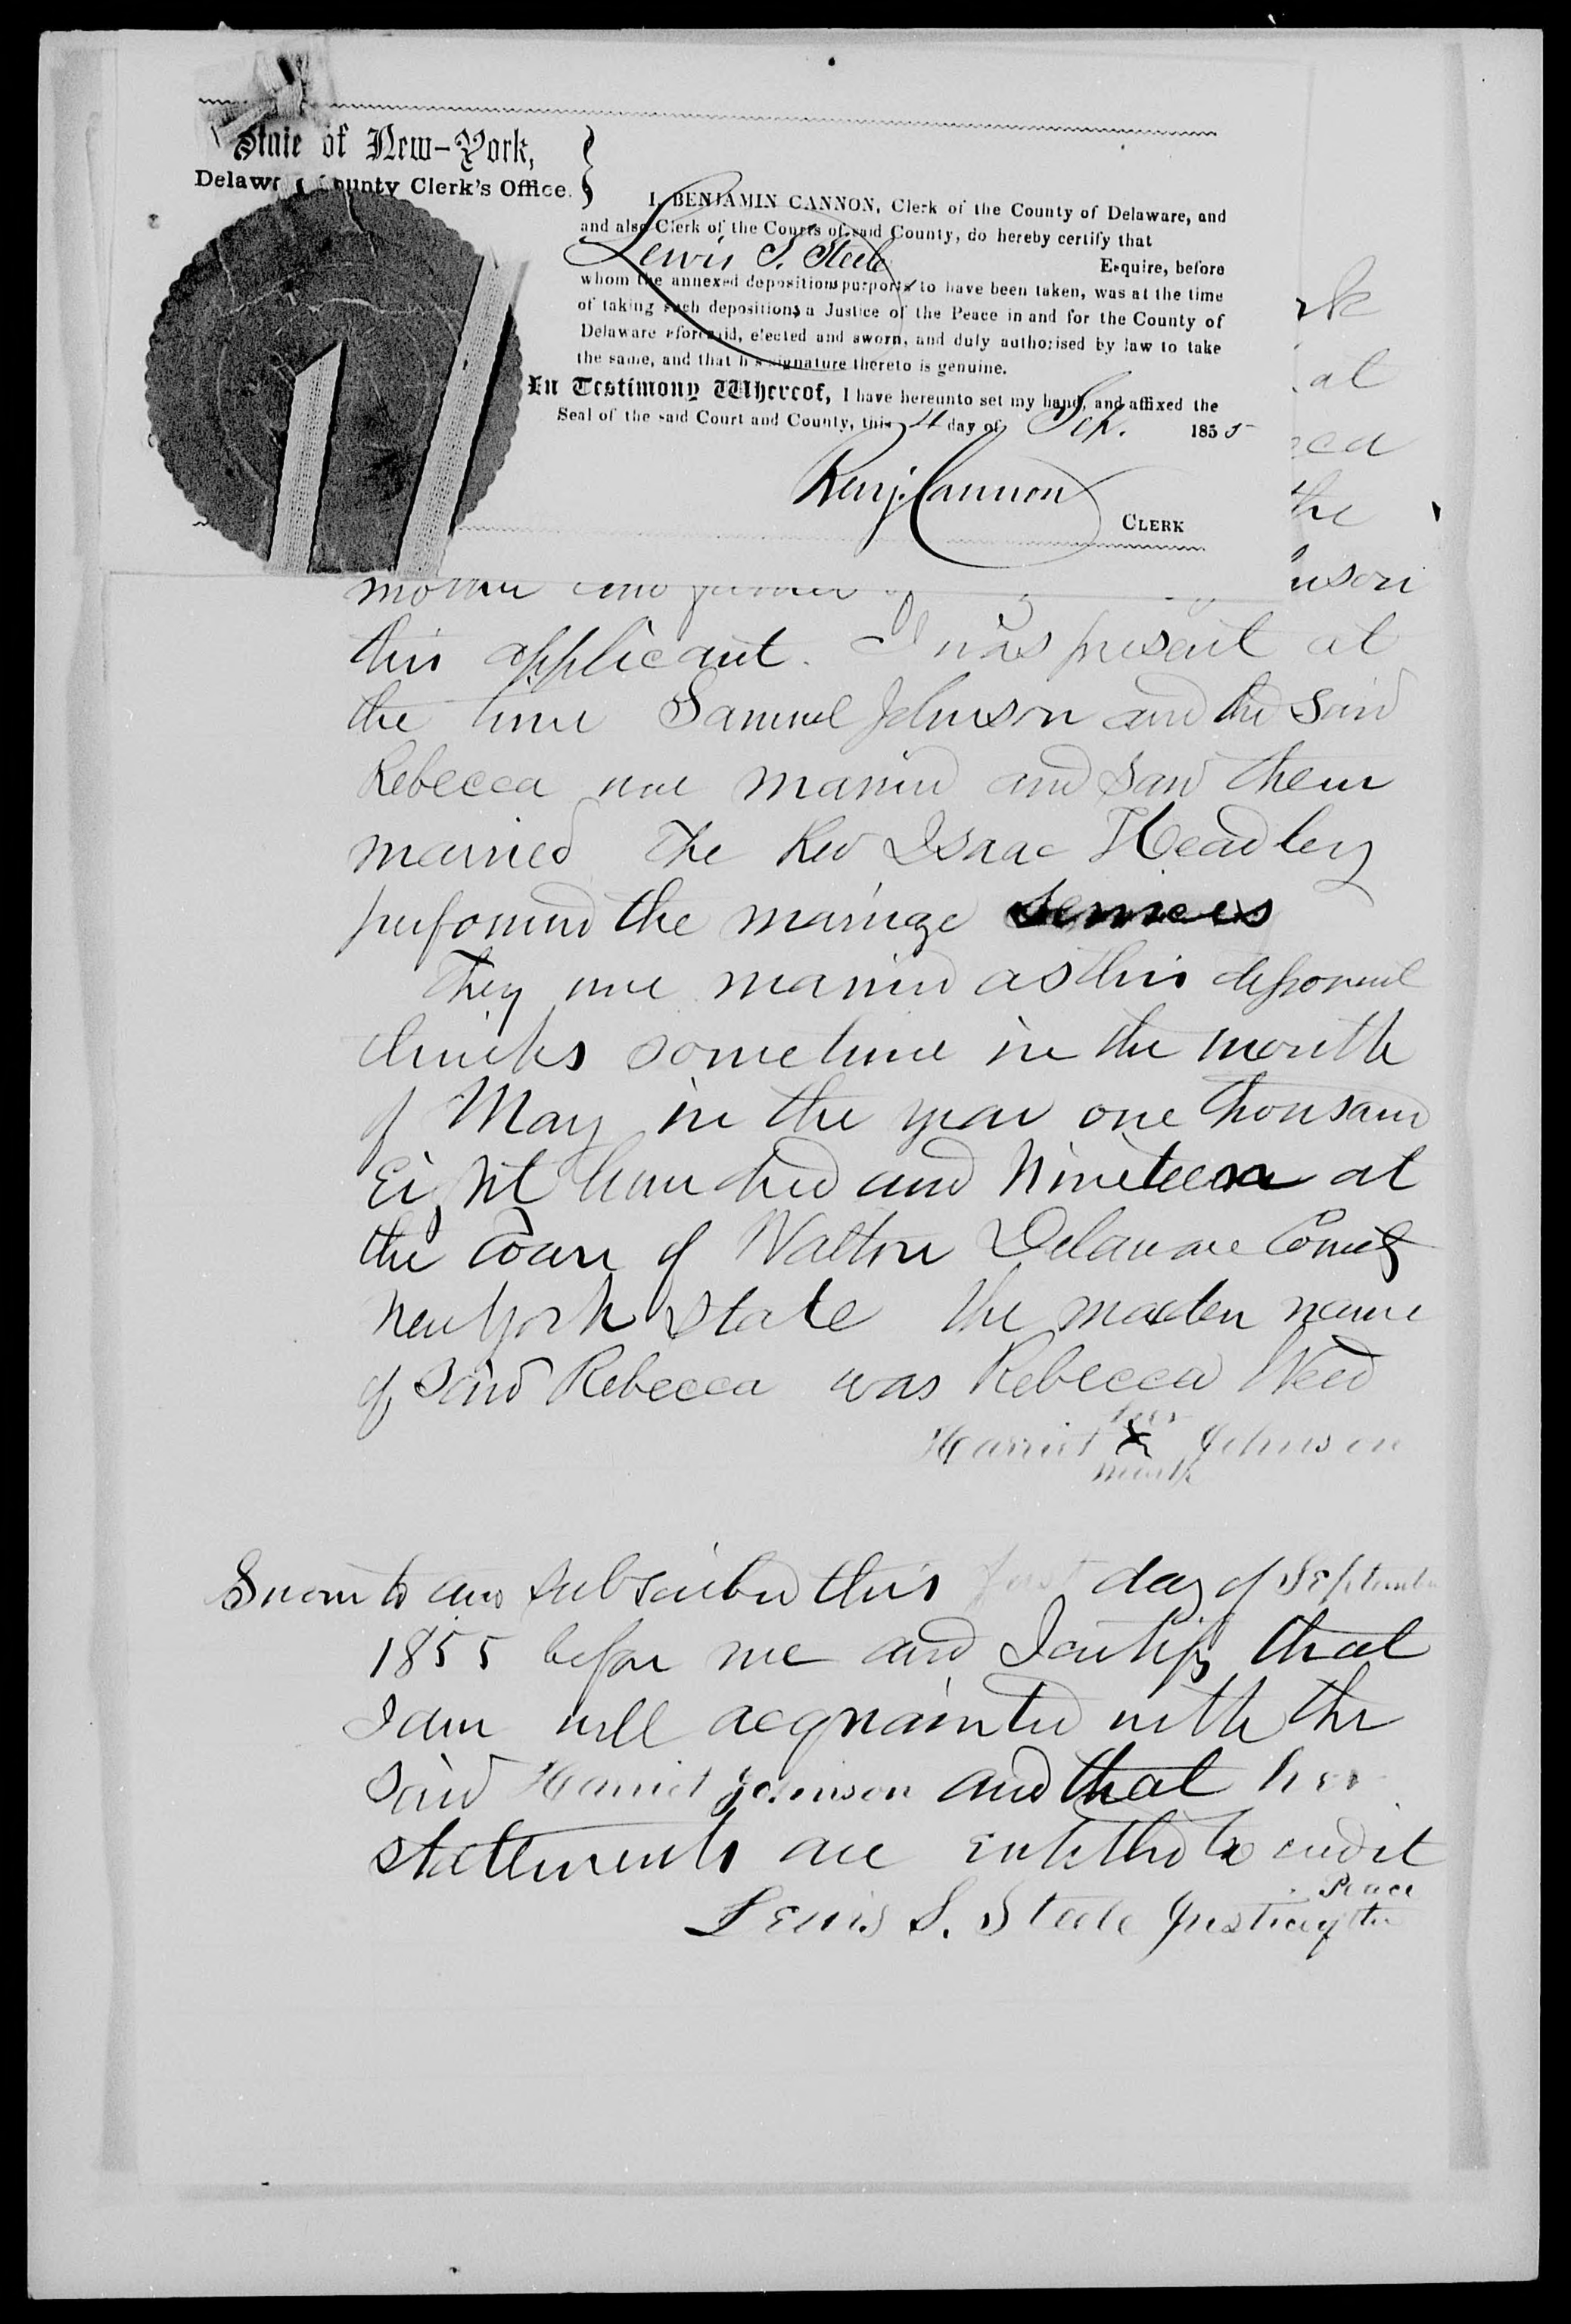State of New-York, 
Delaware County Clerk's Office. }
I BENJAMIN CANNON, Clerk of the County of Delaware, and and also Clerk of the Court of said County, do hereby certify that Lewis C. Steele Esquire, before whom the annexed deposition purports to have been taken, was at the time of taking a deposition, a Justice of the Peace in and for the County of Delaware for elected and sworn, and duly authorised by law to take the same, and that his signature thereto is genuine. 
IN Testimony Whereof, I have hereunto set my hand and affixed the Seal of the said Court and County, this 4 day of Sep.
Benj Cannon CLERK 
[unreadable]  this applicant.   I was present at the time Samuel Johnson and the said Rebecca were married and saw them Married the Rev Isaac Headley  performed the marriage service.  
They were married as this deponent thinks sometime in the month of May in the year one thousand Eight hundred and nineteen the town of Walton Delaware County New York State.  The maiden name of said Rebecca was Rebecca Weed.
Harriet Johnson x her mark  
Sworn to and subscribed this first day of September 1855 before me and I certify that I am well acquainted with the said Harriet Johnson and that her statements are entitled to credit.   
Lewis S. Steele Justice of the Peace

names: Harriet Johnson; Lewis S Steele; Rebecca Weed; Benjamin Cannon; Samuel Johnson; Isaac Headley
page: 18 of 43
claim: rejected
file: R. 5655, for Samuel Johnson, Connecticut